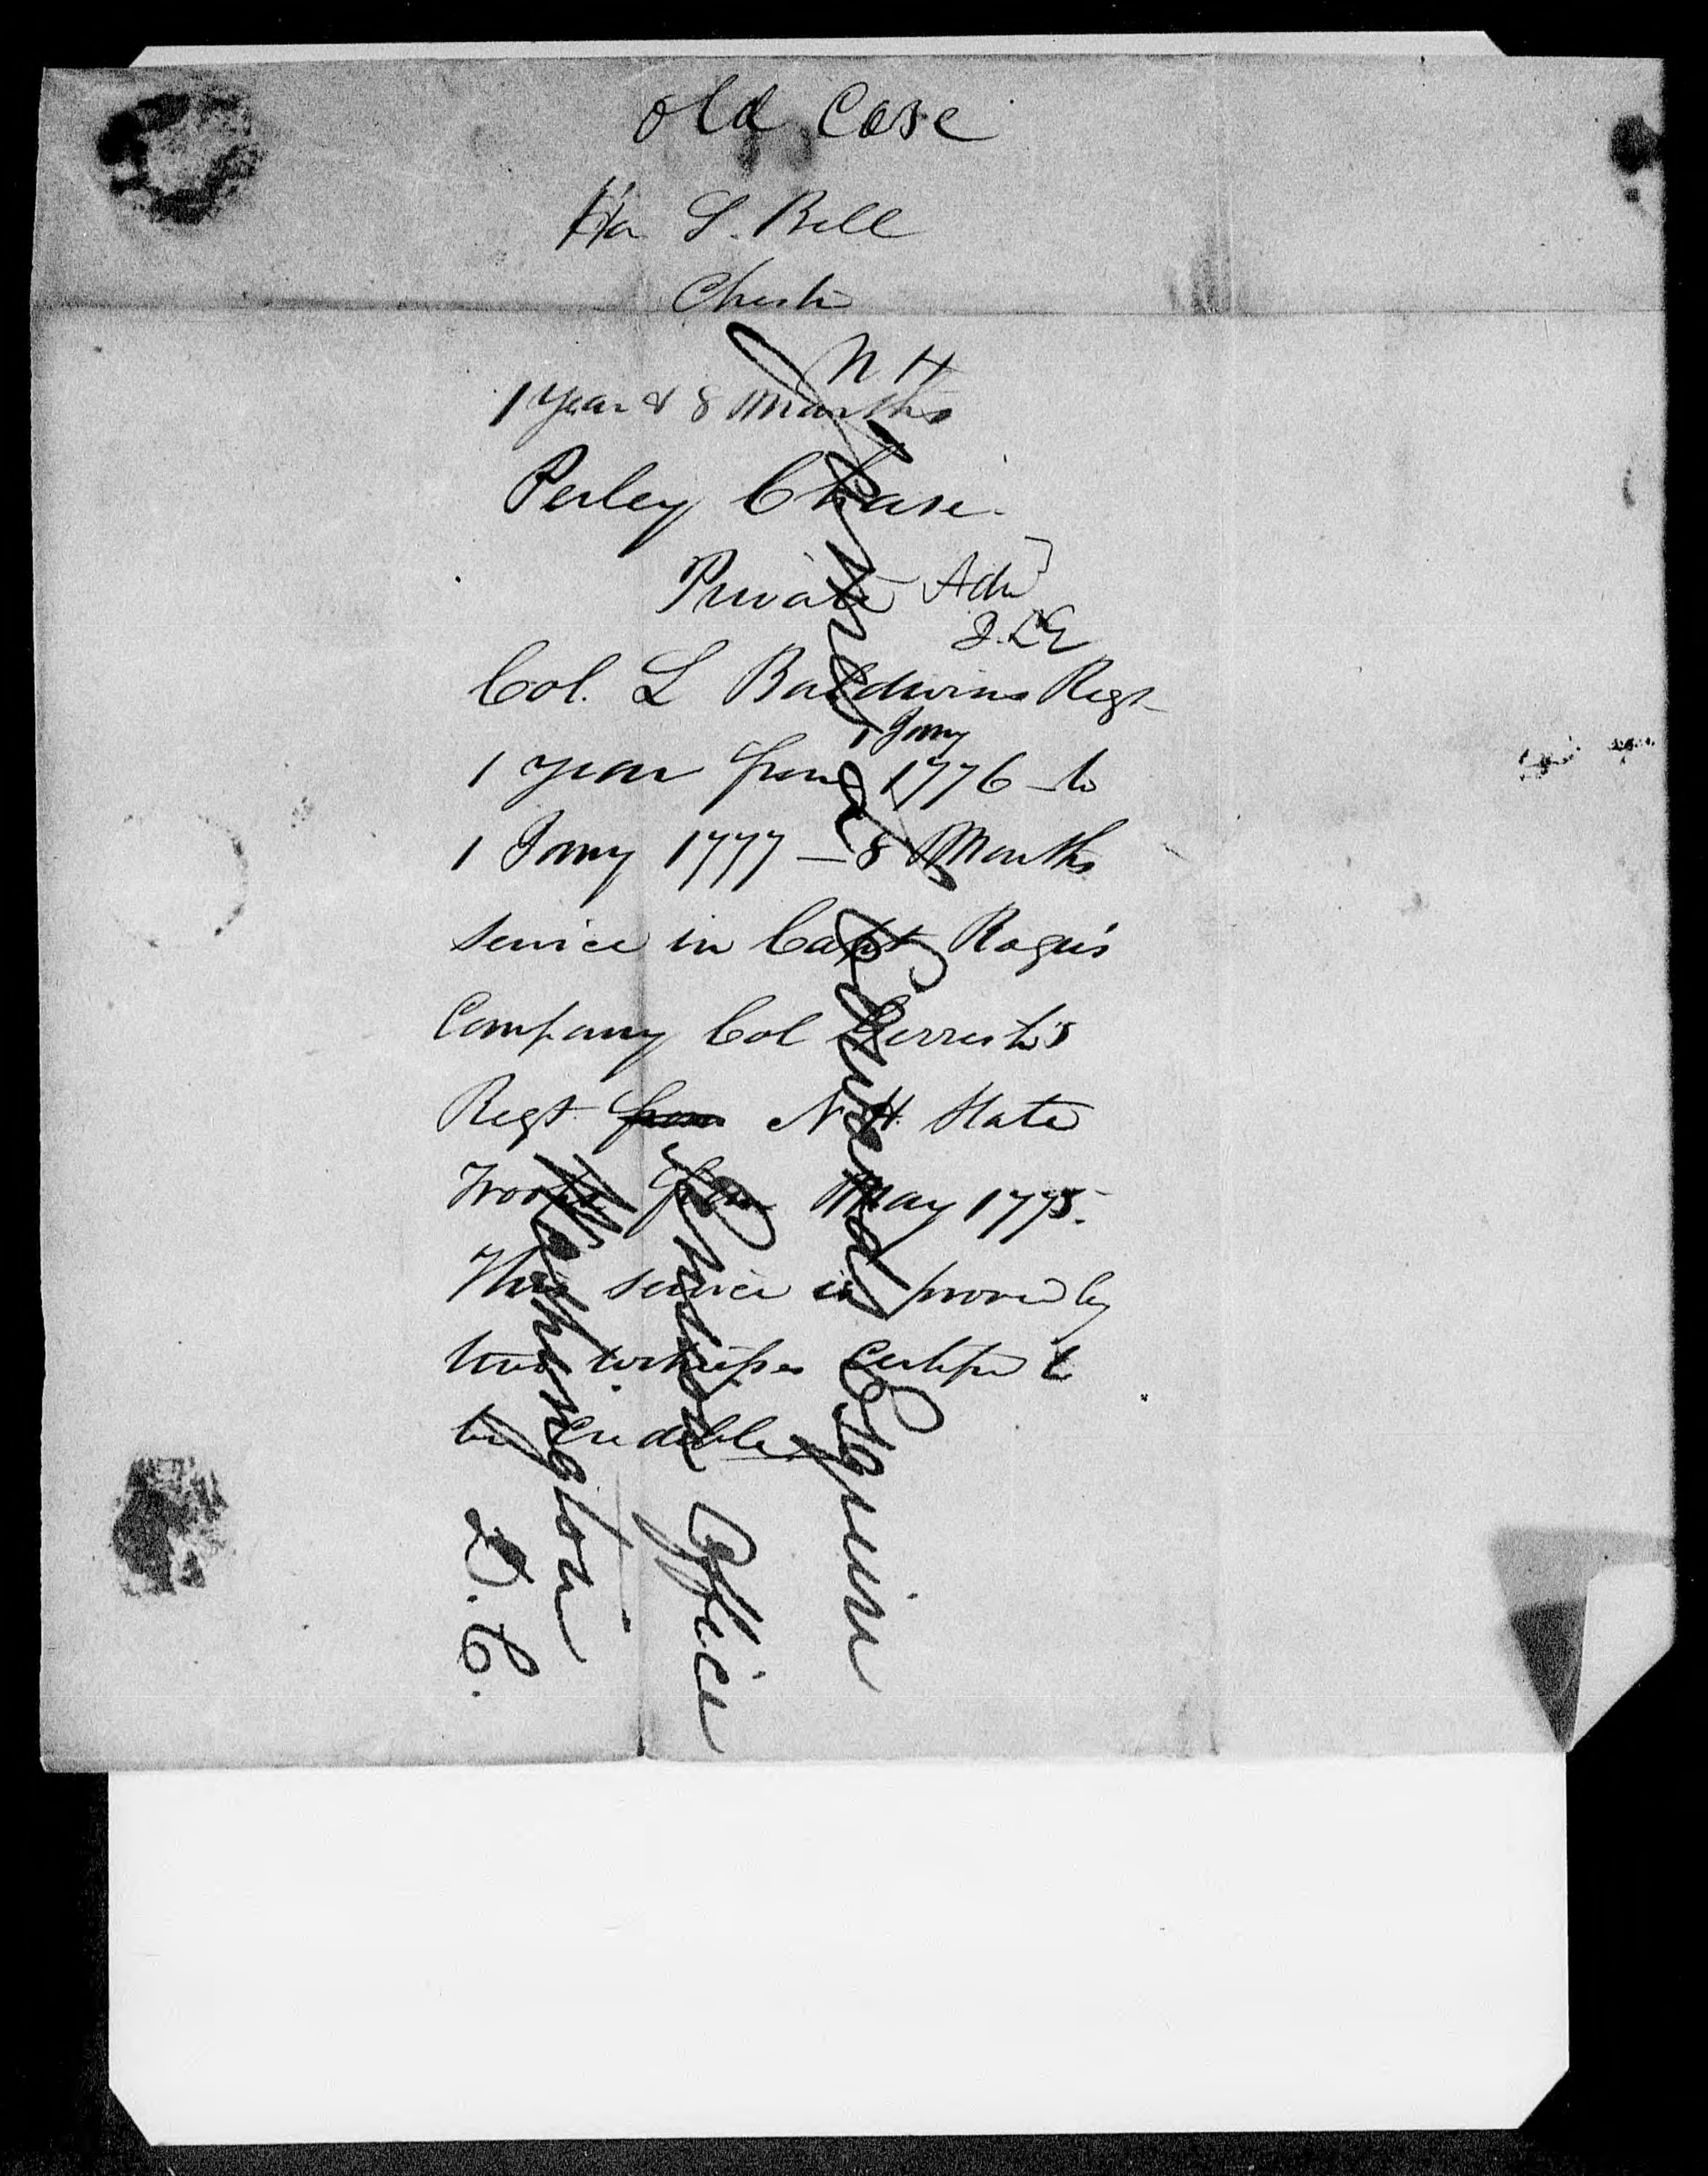old case
Hon. S. Bell 
Clerk
N.H.
1 year & 8 months
Private--Adm JLE
Col. L Baldwin Regt.
1 year from 1 May 1776 to
1 Jany 1777- 8 months
Service in Capt. Roger's
company Col Gerret's
Regt. N.H. state
Troops from May 1775.
this service is proven by
two witnesses certified to
be credible.

(sideways writing over the above)
James L. Edwards Esquire
Pension Office
Washington D.C.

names: S Bell, Perley Chase, James L Edwards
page: 9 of 24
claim: survivor's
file: S. 17879, Perley Chase, Continental Mass.